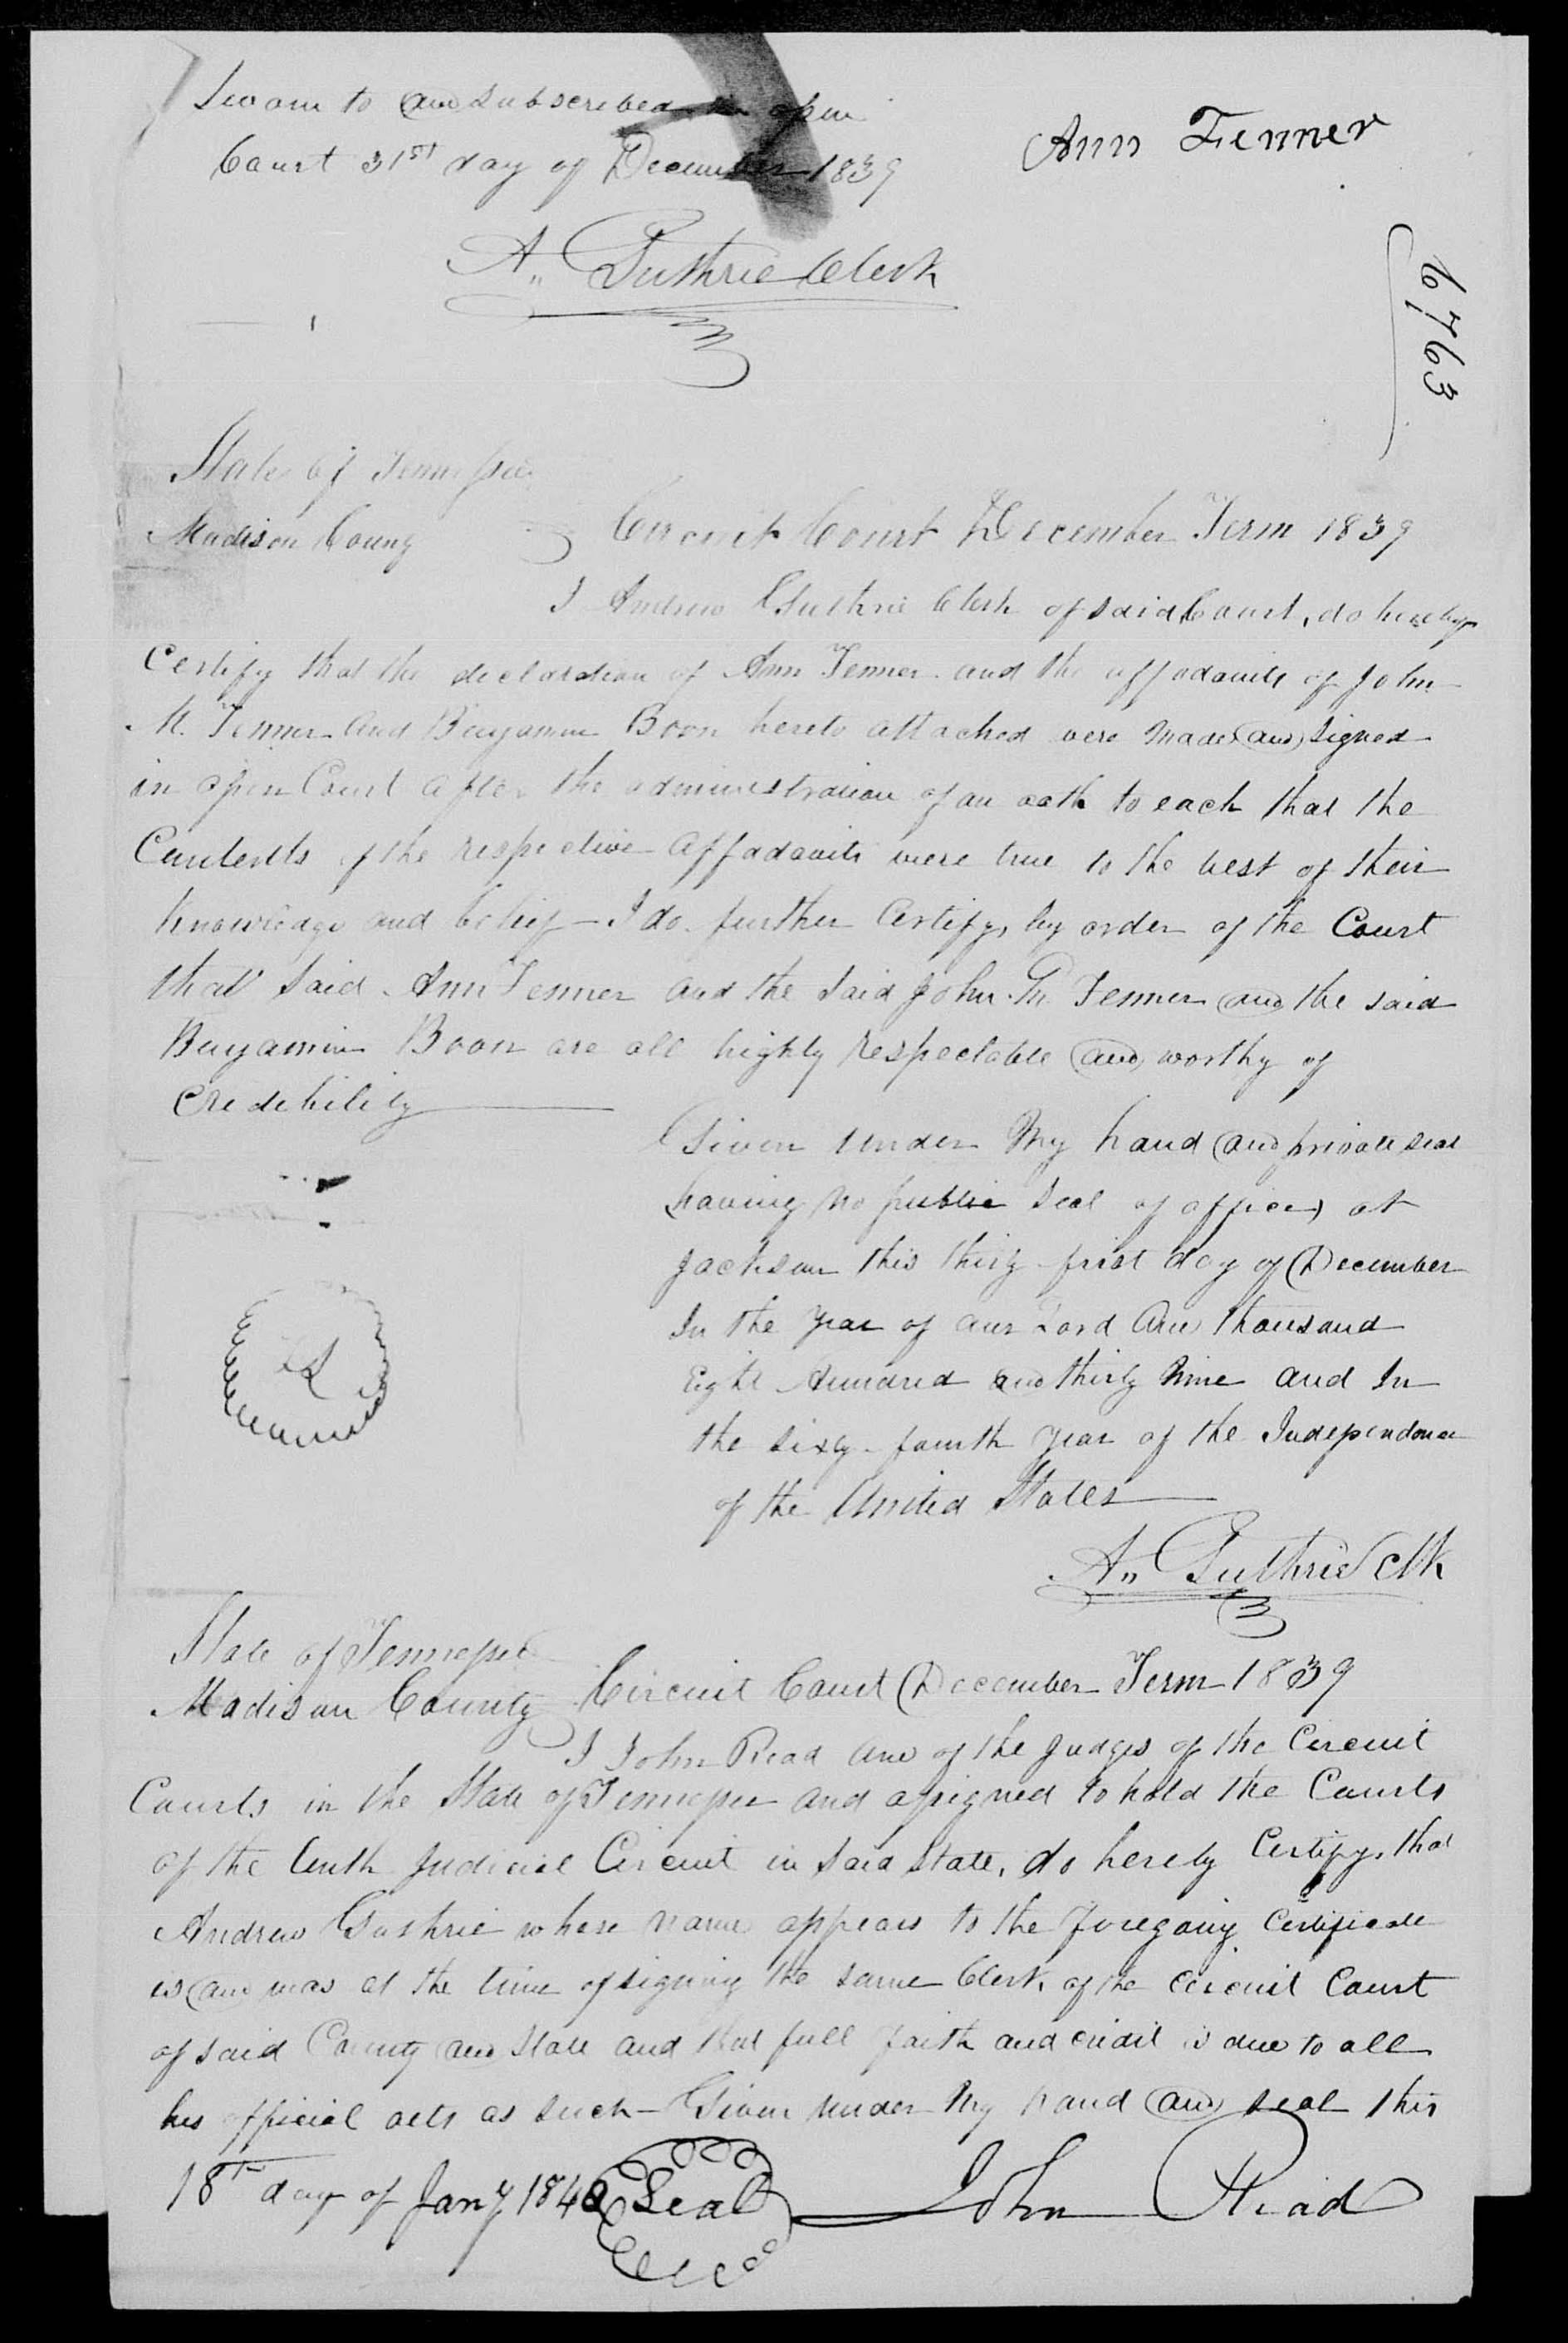Sworn to and subscribed
Court 31st day of December
A. Guthrie Clerk
1839
State of Tennessee
Madison County
℗
Ann Fenner
2942
The Circuit Court December Term 1839
Andrew Guthrie Clerk of said Court, do hereby
certify that the declaration of Ann Fenner and the affidavits of John
M. Fenner and Benjamin Boon hereto attached were made and, signed
in open Court after the administration of an oath to each that the
Contents of the respective affidavits were true to the best of their
knowledge and belief - I do further certify, by order of the Court
that said Ann Fenner and the said John M. Fenner and the said
Benjamin Boon are all highly respectable and worthy of
Credibility
Given under my hand and private seal
having no public seal of office at
Jackson this thing first day of December
In the year of our Lord One thousand
Eight Hundred and thirty nine and in
the sixty fourth year of the Independence
of the United States
A. Guthrie Clerk
State of Tennessee
Madison County Circuit Court December Term 1839
I John Read one of the Judges of the Circuit
Court in the State of Tennessee and assigned to hold the Court
of the tenth Judicial Circuit in said State, do hereby
Certify that
Andrew Guthrie whose name appears to the foregoing certificate
is and was at the time of signing the same Clerk of the Circuit Court
of said County and State and that full faith and credit is due to all
his official acts as such Given under my hand and seal this
18th day of January 1840 John Read

[Seal]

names: Andrew Guthrie, A Guthrie, John M Fenner, John Read, A Guthrie, Ann Fenner, Benjamin Boon, John Read, Ann Fenner, John M Fenner, Benjamin Boon, Andrew Guthrie, An Guthrie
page: 4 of 39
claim: widow's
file: W. 789, Richard Fenner, N.C.